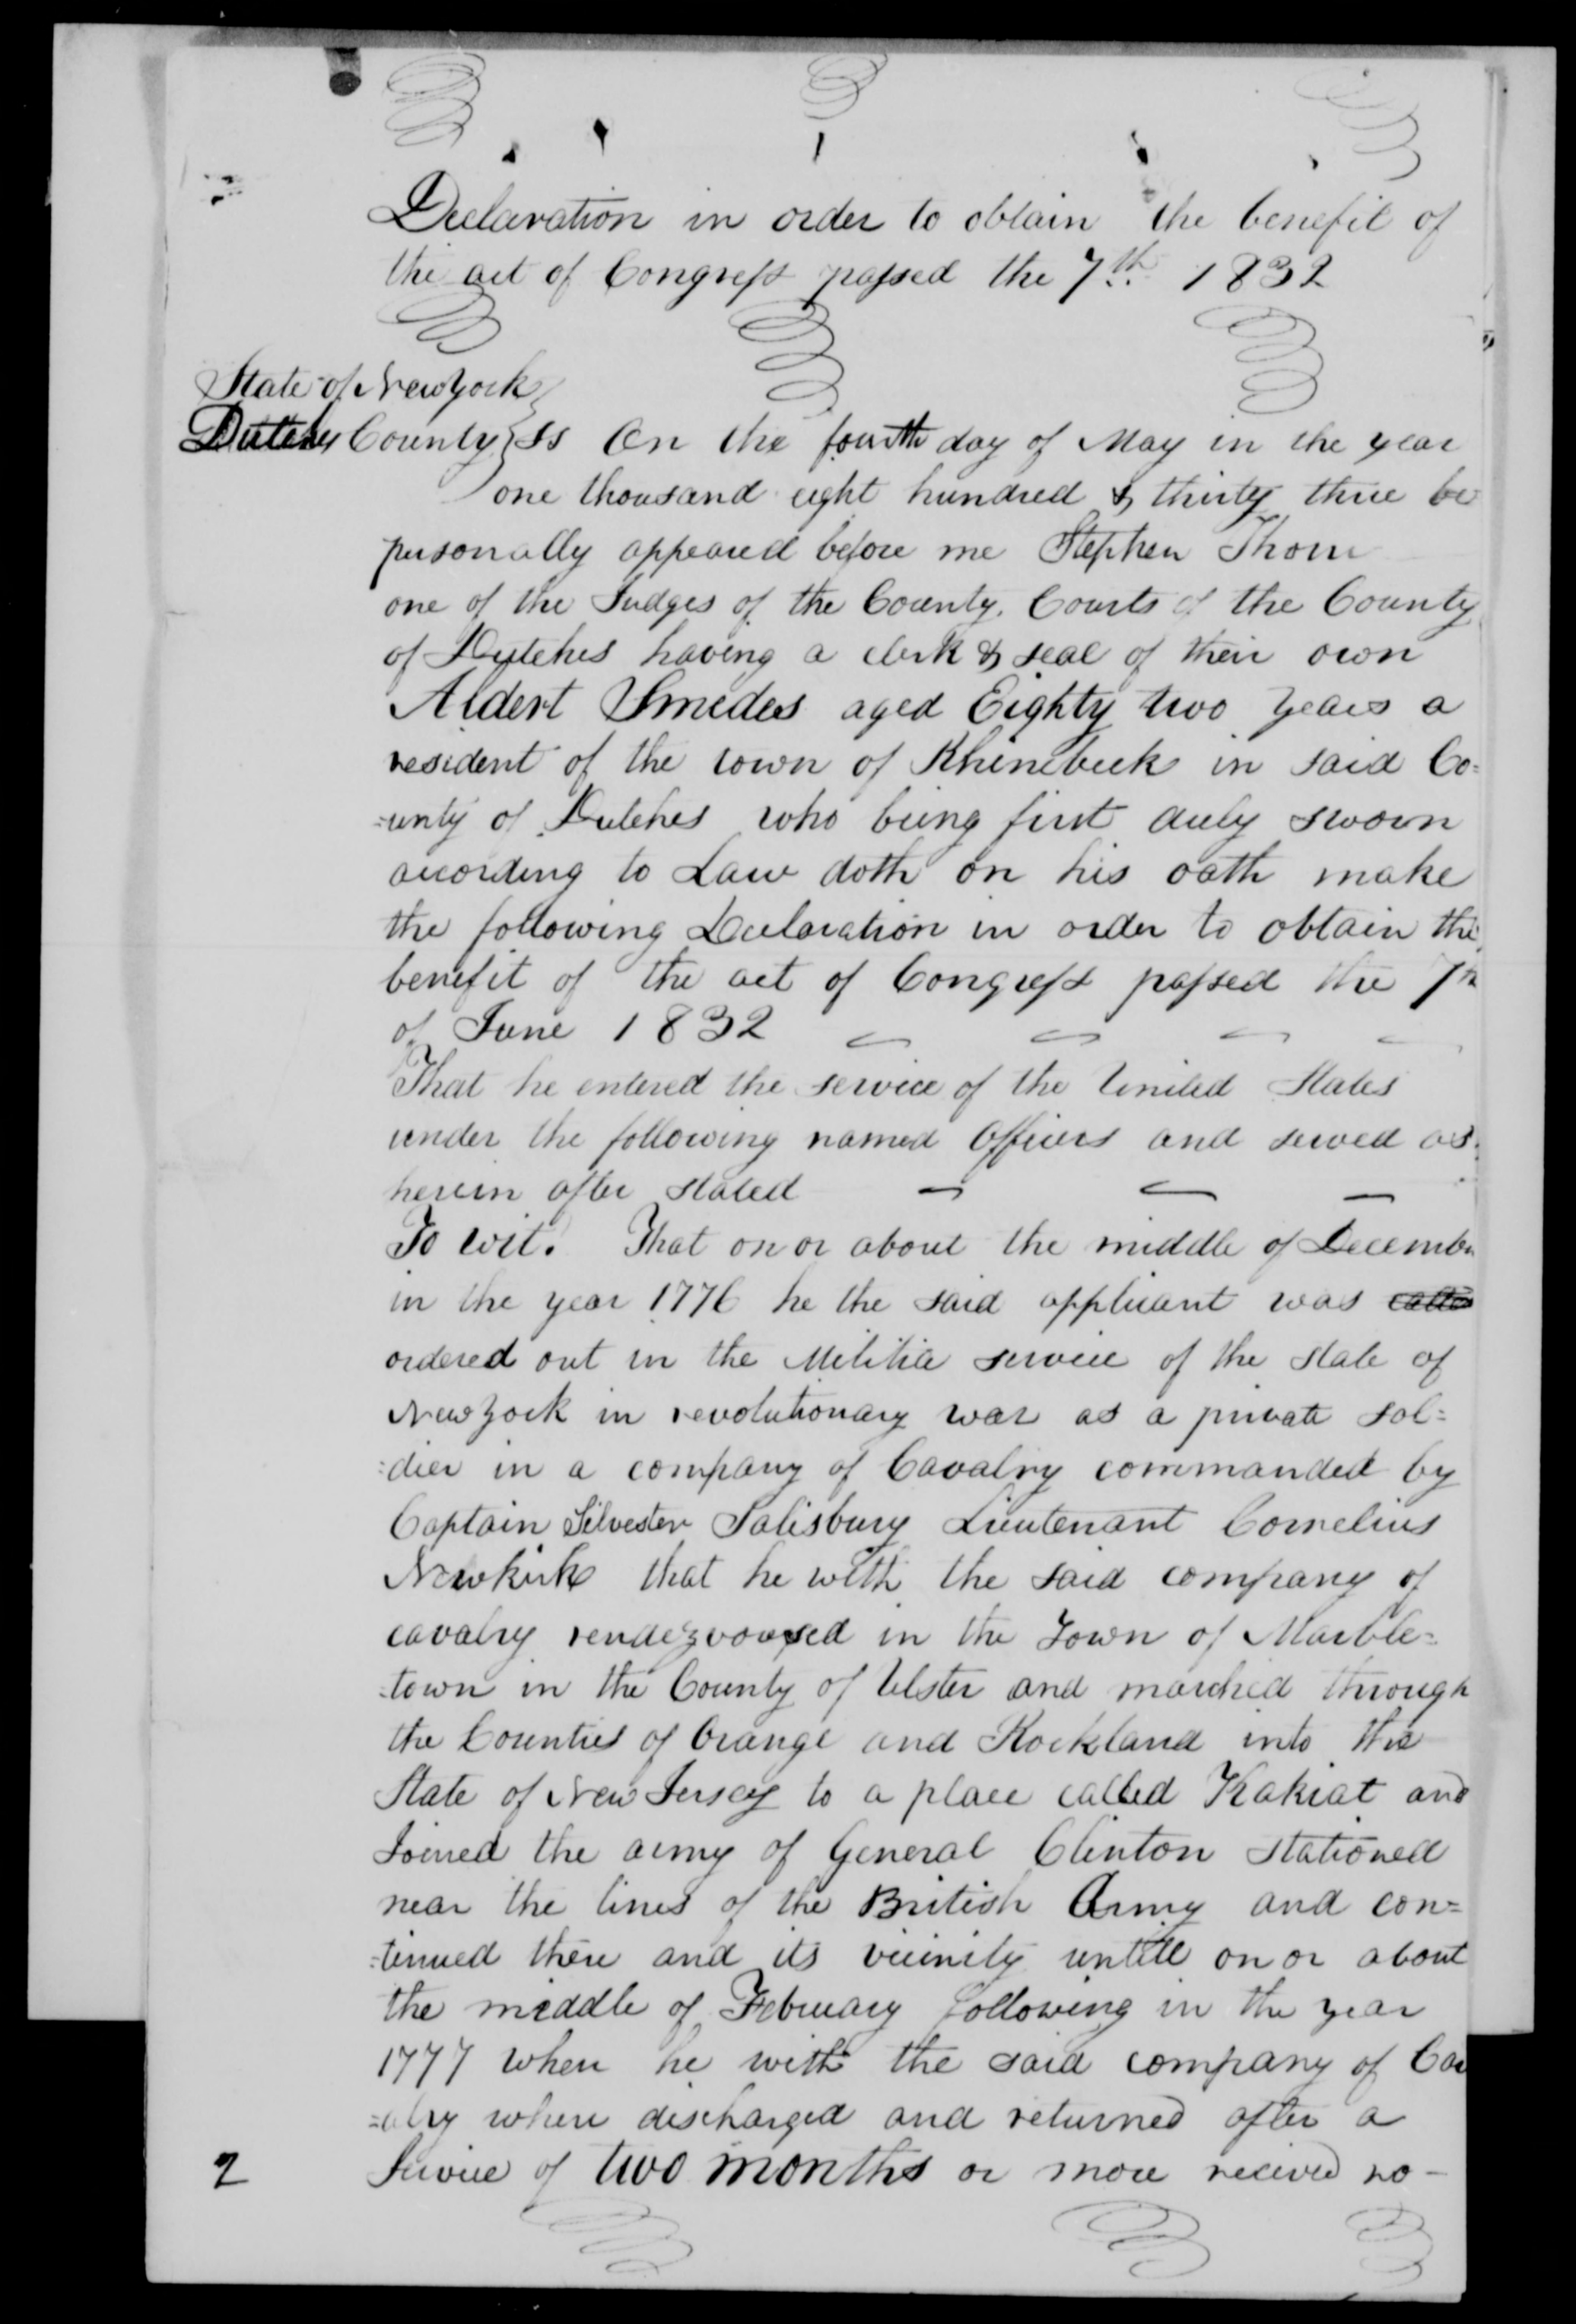Declaration in order to obtain the benefit of the act of Congress passed the 7th 1832

State of New York
Dutches [Dutchess] County }Ss
On the fourth day of May in the year one thousand eight hundred & thirty three be personally appeared before me Stephen Thorn one of the Judges of the County Courts of the County of Dutches having a clerk & seal of their own Aldert Smedes aged Eighty two years a resident of the town of Rhinebeck in said Couty of Dutches who being first duly sworn according to Law doth on his oath make the following Declaration in order to obtain the benefit of the act of Congress passed the 7th of June 1832
--  --  --  --  --  --
that he entered the service of the United States under the following named Officers and served as herein after stated
--  --  --  --  --  --
To wit.  That on or about the middle of December in the year 1776 he the said applicant was [struck out:  called] ordered out in the Militia service of the State of New York in revolutionary war as a private soldier in a company of Cavalry commanded by Captain Silvester Salisbury, Lieutenant Cornelius Newkirk, that he with the said company of cavalry rendezvoused in the Town of Marbletown in the County of Ulster and marched through the Counties of Orange and Rockland into the State of New Jersey to a place called Kakiat and Joined the army of General Clinton stationed near the lines of the British Army and continued there and its vicinity until on or about the middle of February following in the year 1777 when he with the said company of Cavalry where [were] discharged and returned after a Service of two months or more received no-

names: Cornelius Newkirk; Aldert Smedes; Silvester Salisbury; Stephen Thorn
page: 4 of 29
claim: survivor's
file: S. 11415, for Aldert Smedes, New York